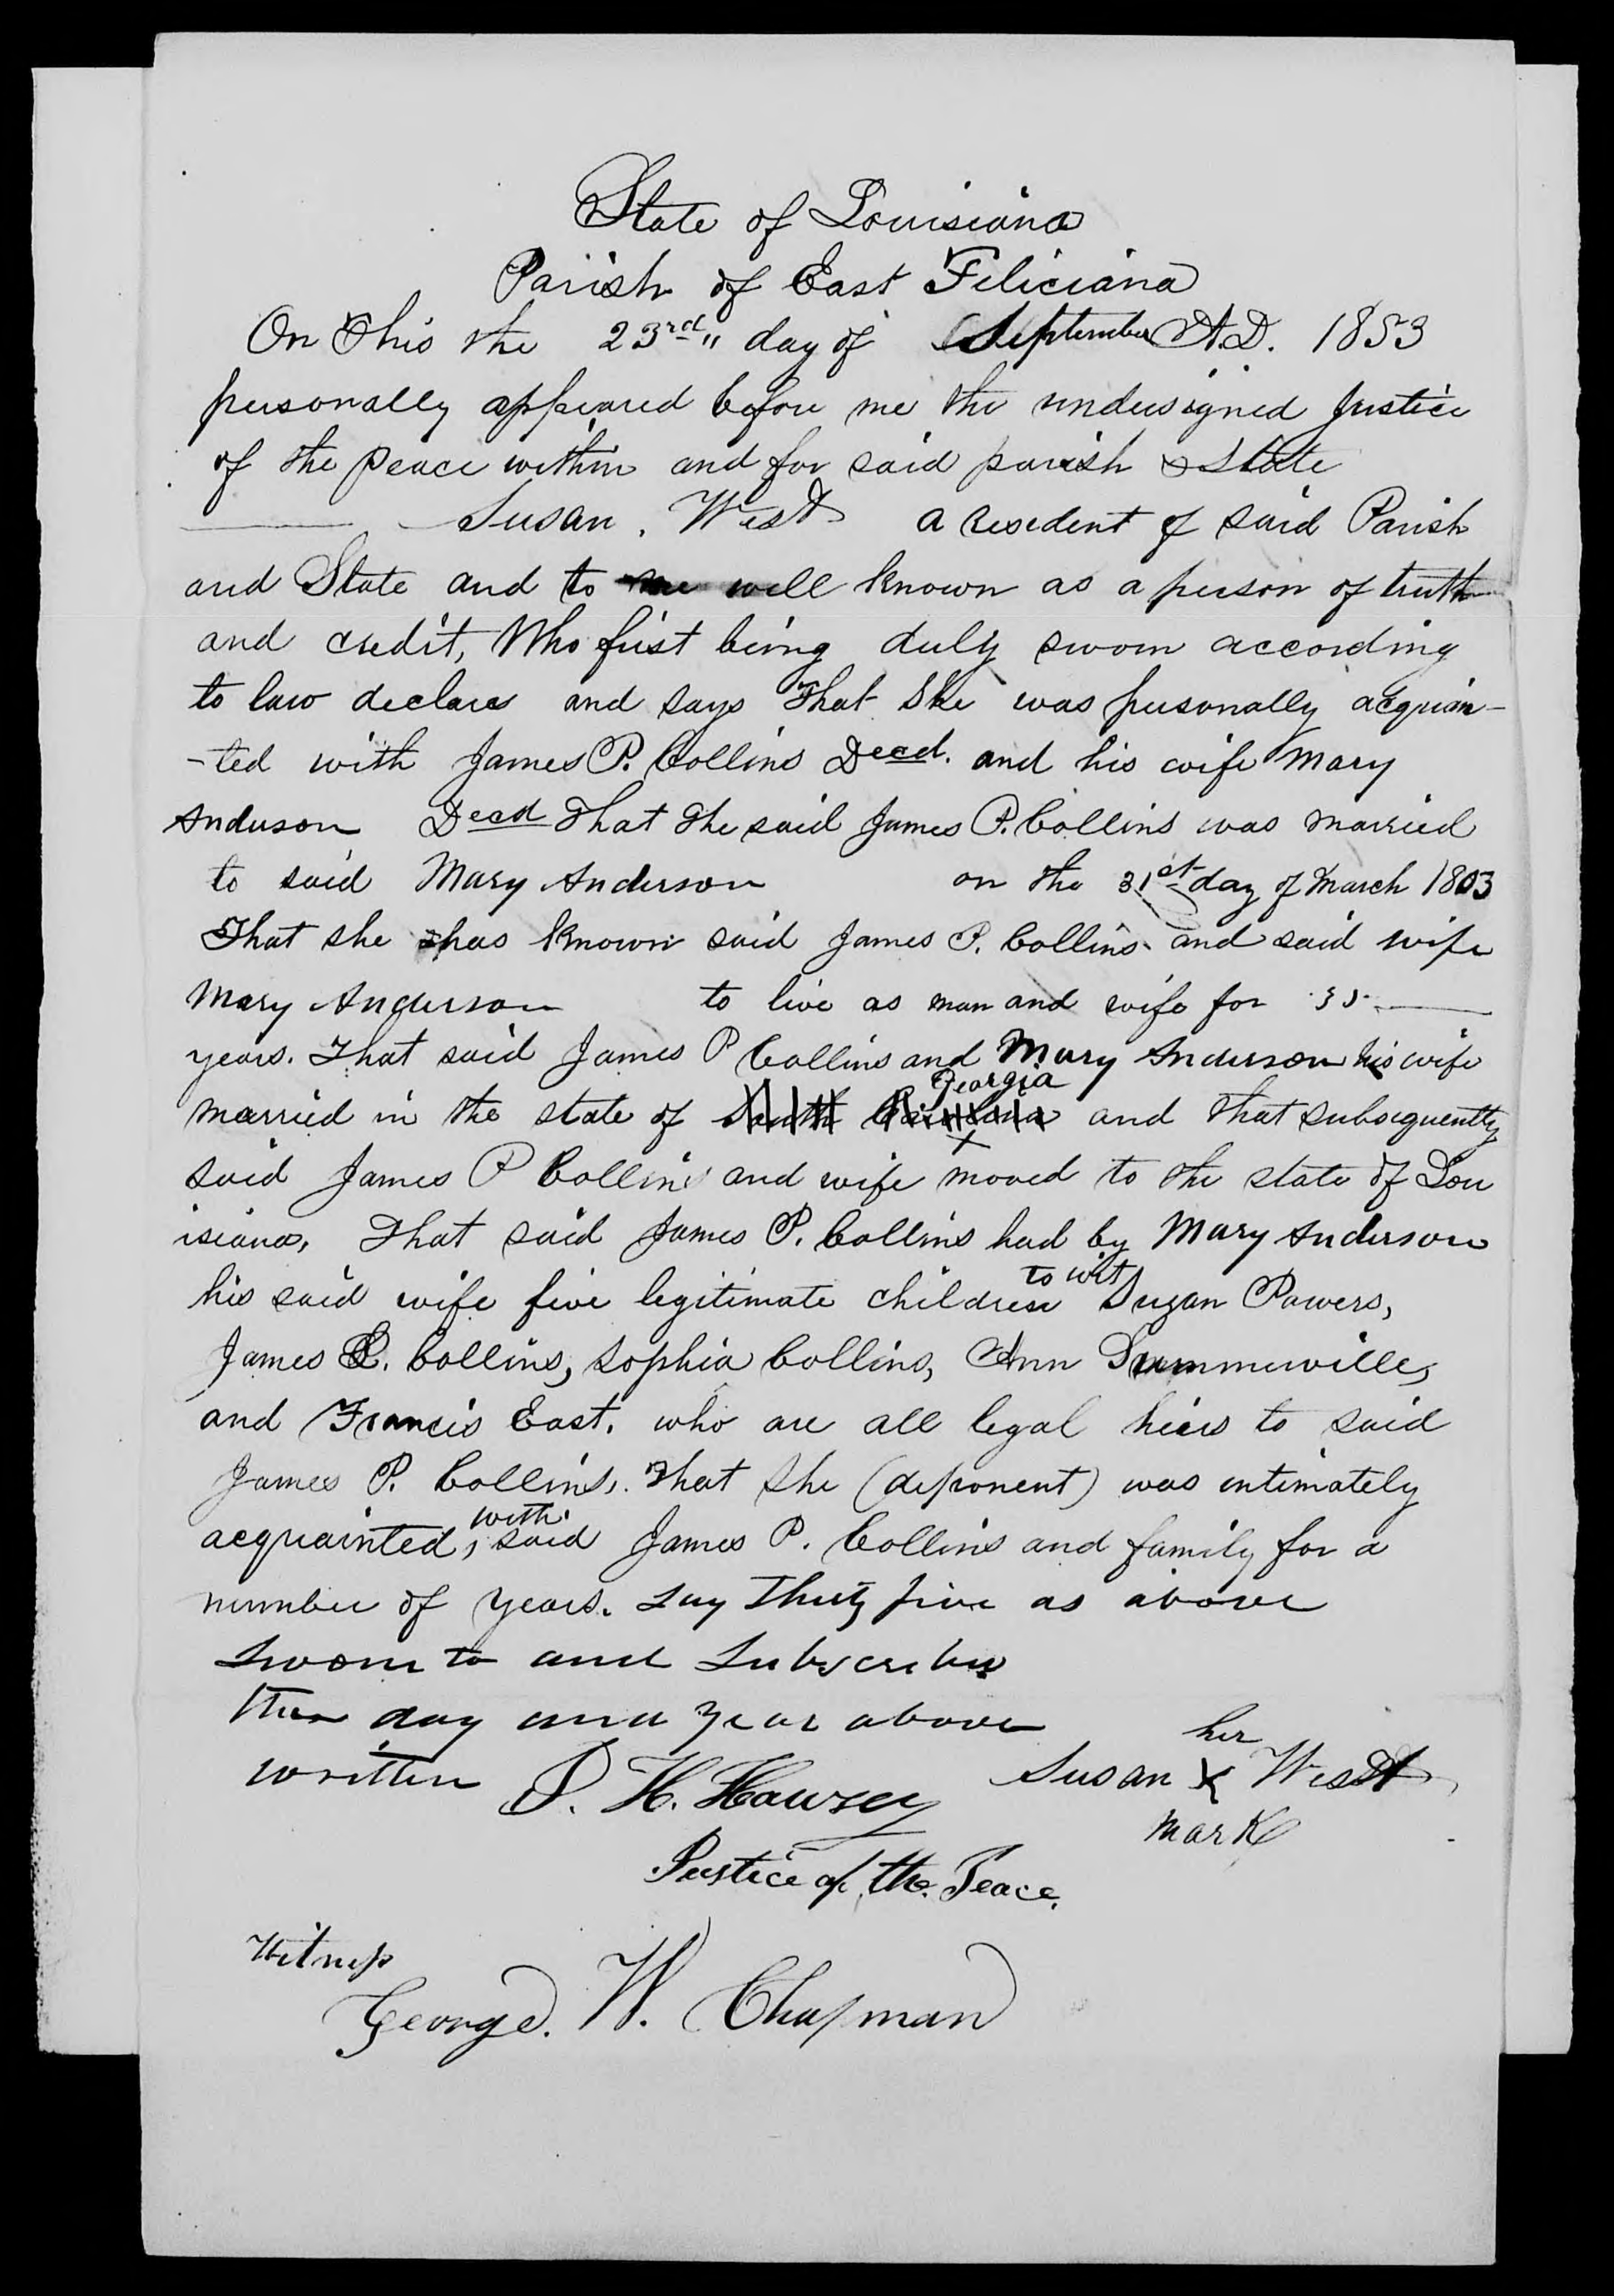State of Louisiana
Parish of East Feliciana
On This the 23rd day of September A.D. 1853 personally appeared before me the undersigned Justice of the Peace within and for said parish & State. 
- Susan. West a resident of said Parish and State and to me well known as a person of truth and credit, who first being duly sworn according to law declares and says That She was personally acquainted with James P. Collins Decd. and his wife Mary Anderson Decd that she said James P. Collins was married to said Mary Anderson on the 31st day of March 1803
That she has known said James P. Collins and said wife Mary Anderson to live as man and wife for 35 - years. That said James P Collins and Mary Anderson his wife married in the state of South Carolina [crossed out] Georgia and that subsequently said James P Collins and wife moved to the state of Louisiana, That said James P. Collins had by Mary Anderson his said wife five legitimate children to wit Susan Powers, James P. Collins, That she (deponent) was intimately acquainted with, said James P. Collins and family for a number of years, say thirty five as above
Sworn to and Subscribed
the day and year above
written J. H. Hawsey
Justice of the Peace
---
Susan her X mark West

Witness George W. Chapman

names: J H Hawsey, Mary Anderson, James P Collins, George W Chapman, Sophia Collins, Mary Anderson, James P Collins, James P Collins, Ann Summerville, Susan West, Francis East, Suzan Powers, James P Collins, Susan West, James P Collins, James P Collins, Mary Anderson, Mary Anderson, James P Collins, James P Collins, Mary Anderson, James P Collins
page: 35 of 48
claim: rejected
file: R. 2173, James P Collins, S. C.